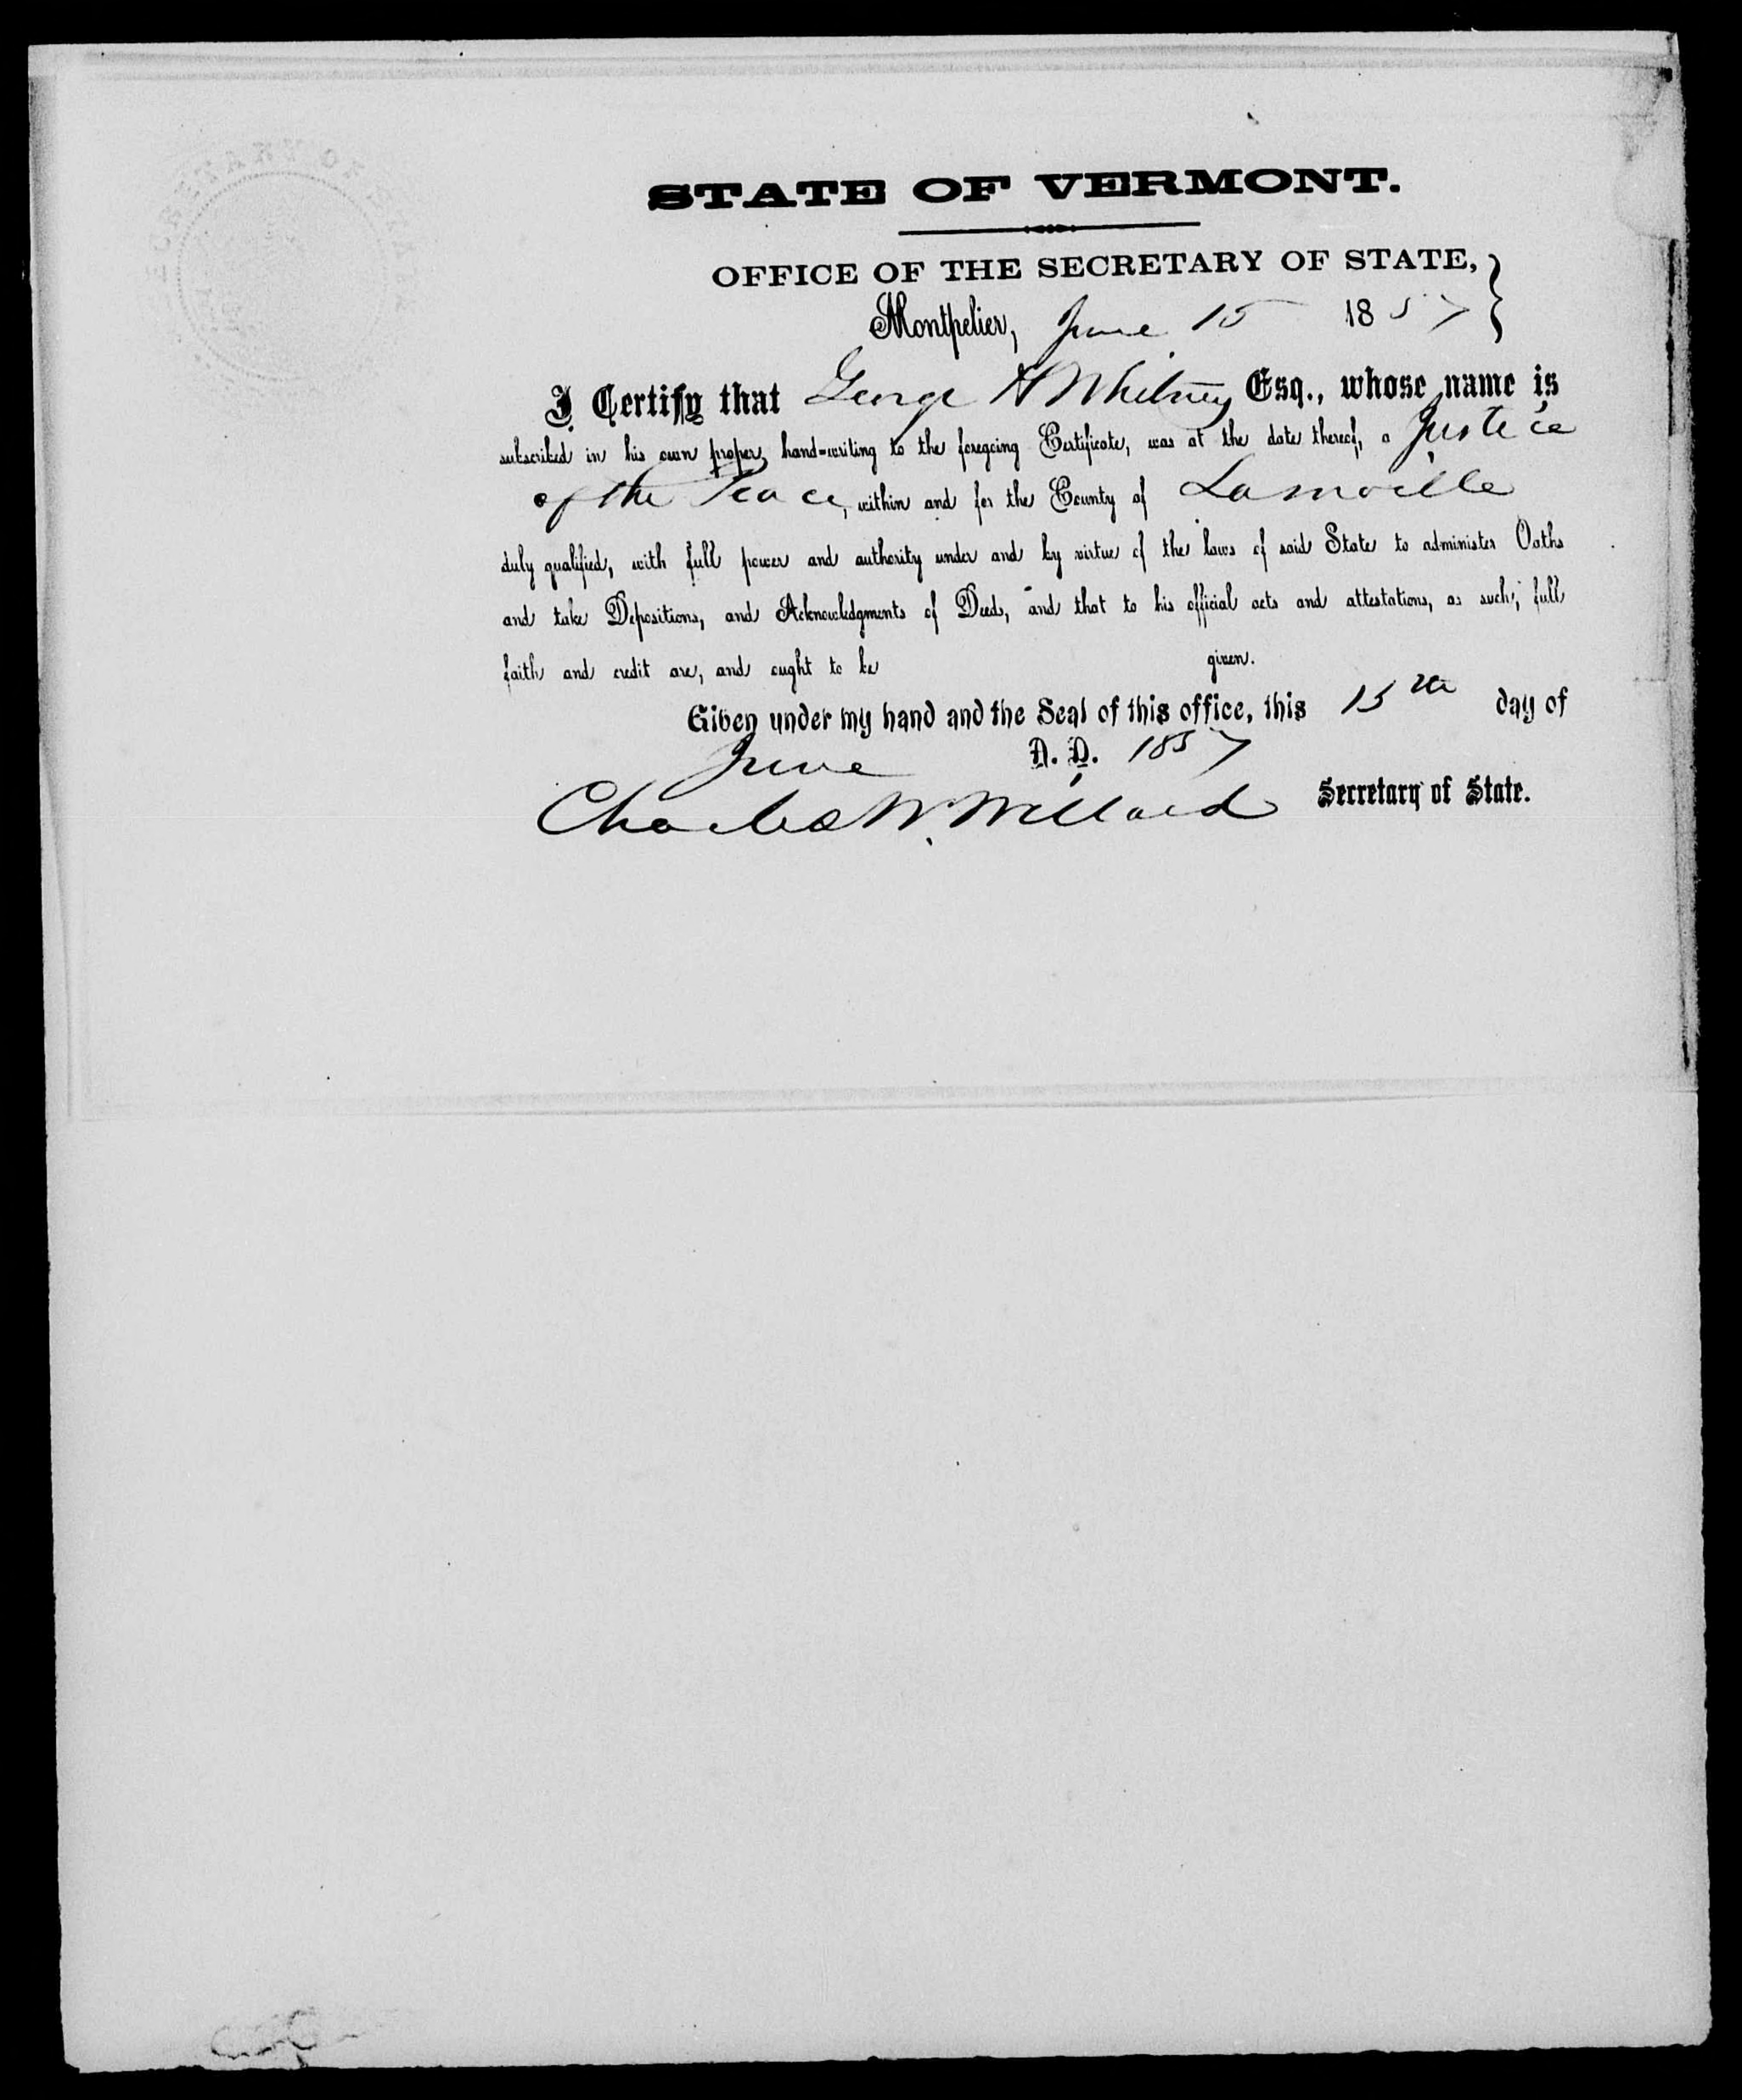[seal stamped]

STATE OF VERMONT.
OFFICE OF THE SECRETARY OF STATE,
Montpelier, June 15 1857

I Certify that George H Whitney Esq., whose name is subscribed in his own proper hand-writing to the foregoing Certificate, was at the date thereof, a Justice of the Peace, within and for the Country of Lamoille duly qualified, with full power and authority under and by virtue of the laws of said State to administer Oaths
and take Depositions, and Acknowledgements of Deeds, and that to his official acts and attestations, as such, full faith and credit are, and ought to be given.
Given under my hand and the Seal of this office, this 13th day of June A. D. 1857
Charles W. Willard Secretary of State.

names: Charles W Willard, George H Whitney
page: 71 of 114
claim: widow's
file: W. 2115, Seth Hubbell, Conn.